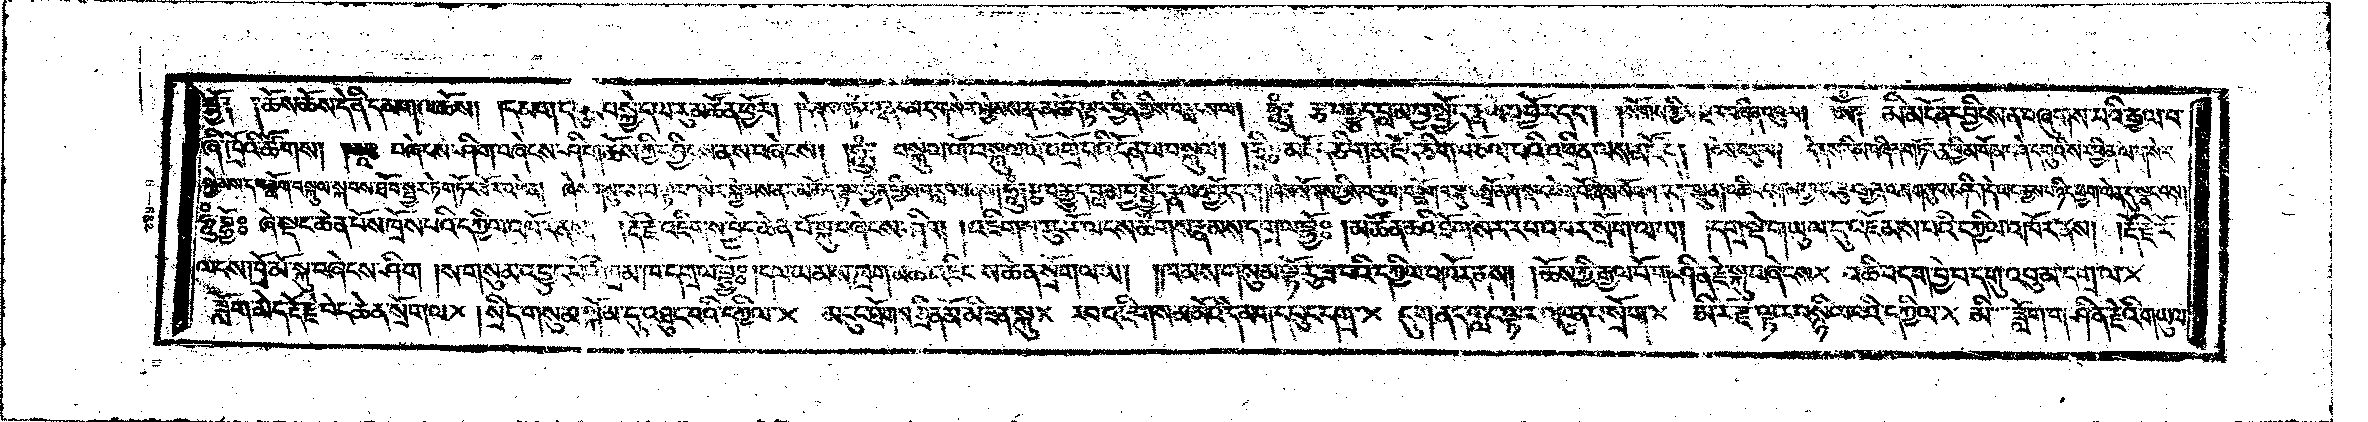བྷྱོ༑ ༑ཆོས་ཆོས་དེ་ནི་དམག་ལ་ཆོས། །དམག་དཔུང་བསྐྱེད་ལ་རུ་མཚོན་ཕྱོར། །དེངས་གཏོར་རང་དམར་གསེར་སྐྱེམས་ནང་མཆོད་ལྟར་བྱིན་གྱིས་བརླབས་ལ། ཧཱུཾ༑ རྩ་བརྒྱུད་བླ་མ་བྱ་སྤྱོད་རྣལ་འབྱོར་དང་། །སོགས་གྱིར་ལྔར་བཞིན་འབུལ།  ཨོཾ༑ མི་མངོན་དབྱིངས་ན་བཞུགས་པའི་རྒྱལ་བ་
ཞི་ཁྲོའི་ཚོགས། །ཨཱཿ བཞེངས་ཤིག་བཞེངས་ཤིག་ཆོས་ཀྱི་དབྱིངས་ནས་བཞེངས། །ཧཱུཾ༑ བསྐུལ་ལོ་བསྐུལ་ལོ་འགྲོ་བའི་དོན་ལ་བསྐུལ། །ཧྲཱིཿ མཛོད་ཅིག་མཛོད་ཅིག་བཅོལ་བའི་འཕྲིན་ལས་མཛོད། །ཅེས་བསྐུལ། དེངས་རིམ་བཞིན་གཏོར་ར་ཕྱི་མ་གོམ་བཞེ་དགུའི་སར་ཕྱིན་ལ་གསེར་
སྐྱེམས་དང་ཟློག་བསྐུལ་སྐབས་ཐོབ་སྦྱར་ཏེ་གཏོར་ཟོར་འཕེན། ཞེས་གསུངས་པ་ལྟར་གསར་སྐྱེབས་ནང་མཆོད་ལྟར་ཕྱིན་གྱིས་བརླབས་ནས། ཧཱུཾ༑ རྩ་བརྒྱུད་བླ་མ་བྱ་སྤྱོད་རྣལ་འབྱོར་དག། །ཞེས་སོགས་ཀྱིས་འབུལ། བཟློགས་བསྐུལ་སྦྲོན་ཞེ་སྡང་ཆེན་པོ་ཞེས་སོགས་དང་། བསྡུན། འཆི་བདག་མ་བྱ་བར་ཟུར་རྒྱན་ལས་གྲྩས་ཤིང་། དེ་ལས་རྒྱས་པ་ཉིད་ཕྱག་ལེན་དུ་སྣང་བས།
ཧཱུཾ་བྷྱོཿ ཞེ་སྡང་ཆེན་པོས་ཁྲོས་པའི་དཀྱིལ་འཁོར་ནས། །རྡོ་རྗེ་འཇིགས་བྱེད་ཆེན་པོ་སྐུ་བཞེངས་ཤིག །འཇིགས་རུང་རོ་ལངས་ཚོགས་རྣམས་དགྲལ་བྷྱོཿ །མཚོན་ཆའི་ཐོག་སེར་རབ་འབར་སྲོག་ལ་ཡ། །དགྲ་སྡེ་གཡུལ་དུ་འཇོམས་པའི་དཀྱིལ་འཁོར་ནས། །རྡོ་རྗེ་རོ་
ལངས་ཁྲོ་མོ་སྐུ་བཞེངས་ཤིག །ས་གསུམ་འབྱུང་པོའི་ཁྲིམ་ཁ་དགྲ་ལ་བྷྱོཿ །དལ་ཡམས་ཁྲག་མཚོ་འཛིངས་ཆེན་སྲོག་ལ་ཡ། །ཁམས་གསུམ་ལྟོ་རུ་ཟ་བའི་དཀྱིལ་འཁོར་ནས། །ཆོས་ཀྱི་རྒྱལ་པོ་གཤིན་རྗེ་སྐུ་བཞེངས྾་འཆི་བདག་བྱེ་བ་དགུ་འབུམ་དགྲ་ལ྾་
ཟློག་མེད་རྡོ་རྗེ་བདེ་ཆེན་སྲོག་ལ྾་།སྲིད་གསུམ་སྐོམ་དུ་འཐུང་བའི་དཀྱིལ྾་མདུང་ཐོགས་སྲིན་མོ་མི་ཟན་སྐུ་྾་རབ་འཇིགས་མ་མོའི་དམག་དཔུང་དགྲ྾་དུག་ནད་གླངས་ལྟར་འཁུང་པ་སྲོགས྾་མི་རོ་རྫ་ལྟར་པ་སྙིལ་བའི་དཀྱིལ་྾་མི་ཟློག་གཤིན་རྗེའི་གཡུལ་